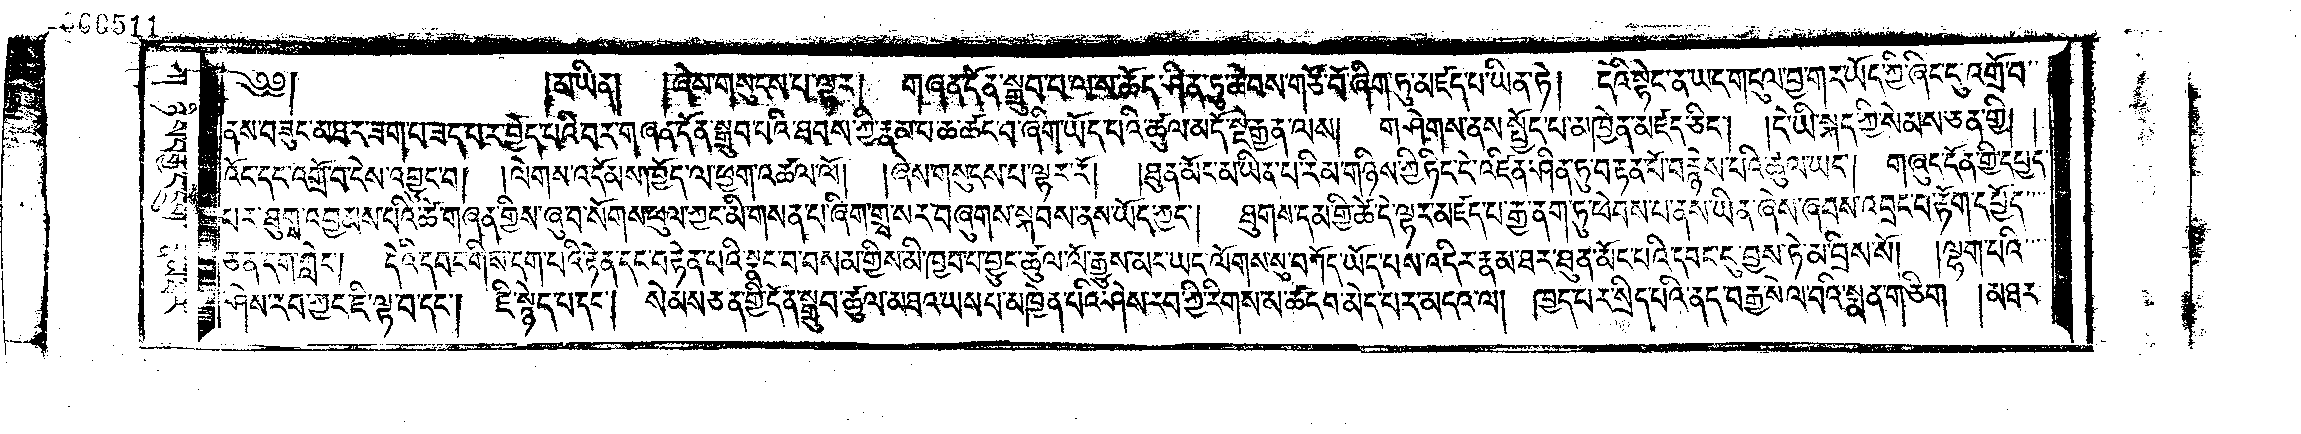༄༅། །མ་ཡིན། །ཞེས་གསུངས་པ་ལྟར། གཞན་དོན་སྒྲུབ་པ་ལས་ཆོད་ཤིན་ཏུ་ཆེ་བས་གཙོ་བོ་ཞིག་ཏུ་མཛད་པ་ཡིན་ཏེ། དེའི་སྟེང་ན་ཡང་གདུལ་བྱ་གར་ཡོད་ཀྱི་ཞིང་དུ་འགྲོ་བ་
ནས་བཟུང་མཐར་ཟག་པ་ཟད་པར་བྱེད་པའི་བར་གཞན་དོན་སྒྲུབ་པའི་ཐབས་ཀྱི་རྣམ་པ་ཆ་ཚང་བ་ཞིག་ཡོད་པའི་ཚུལ་མདོ་སྔེ་རྒྱན་ལས། གཤེགས་ནས་སྤྱོད་པ་མཁྱེན་མཛད་ཅིང་། །དེ་ཡི་སྐད་ཀྱི་སེམས་ཅན་གྱི། །
འོང་དང་འགྲོ་བ་ངེས་འབྱུང་བ། །ལེགས་འདོམས་ཁྱོད་ལ་ཕྱག་འཚལ་ལོ། །ཞེས་གསུངས་པ་ལྟར་རོ། །ཐུན་མོང་མ་ཡིན་པ་རིམ་གཉིས་ཀྱི་ཏིང་ངེ་འཛིན་ཤིན་ཏུ་བརྟན་པོ་བརྙེས་པའི་ཚུལ་ཡང་། གཞུང་དོན་གྱི་དཔྱད་
པར་ཐུགས་འབྱམས་པའི་ཚེ་གཞན་གྱིས་ཞུ་བ་སོགས་ཕུལ་ཀྱང་མི་གསན་པ་ཞིག་གྲྭ་སར་བཞུགས་སྐབས་ནས་ཡོད་ཀྱང་། ཐུགས་དམ་གྱི་ཚེ་དེ་ལྟར་མཛད་པ་རྒྱ་ནག་ཏུ་ཕེབས་པ་ནས་ཡིན་ཞེས་ཞབས་འབྲང་བ་རྟོག་དཔྱོད་
ཅན་དག་གླེང་། དེའི་དབང་གིས་དག་པའི་རྟེན་དང་བརྟེན་པའི་སྣང་བ་བསམ་གྱིས་མི་ཁྱབ་པ་བྱུང་ཚུལ་ལོ་རྒྱུས་མང་ཡང་ལོགས་སུ་བཀོད་ཡོད་པས་འདིར་རྣམ་ཐར་ཐུན་མོང་པའི་དབང་དུ་བྱས་ཏེ་མ་བྲིས་སོ། །ལྷག་པའི་
ཤེས་རབ་ཀྱང་ཇི་ལྟ་བ་དང་། ཇི་སྙེད་པ་དང་། སེམས་ཅན་གྱི་དོན་སྒྲུབ་ཚུལ་མཐའ་ཡས་པ་མཁྱེན་པའི་ཤེས་རབ་ཀྱི་རིགས་མ་ཚང་པ་མེད་པར་མངའ་ལ། ཁྱད་པར་སྲིད་པའི་ནད་བརྒྱ་སེལ་བའི་སྨན་གཅིག །མཐར་